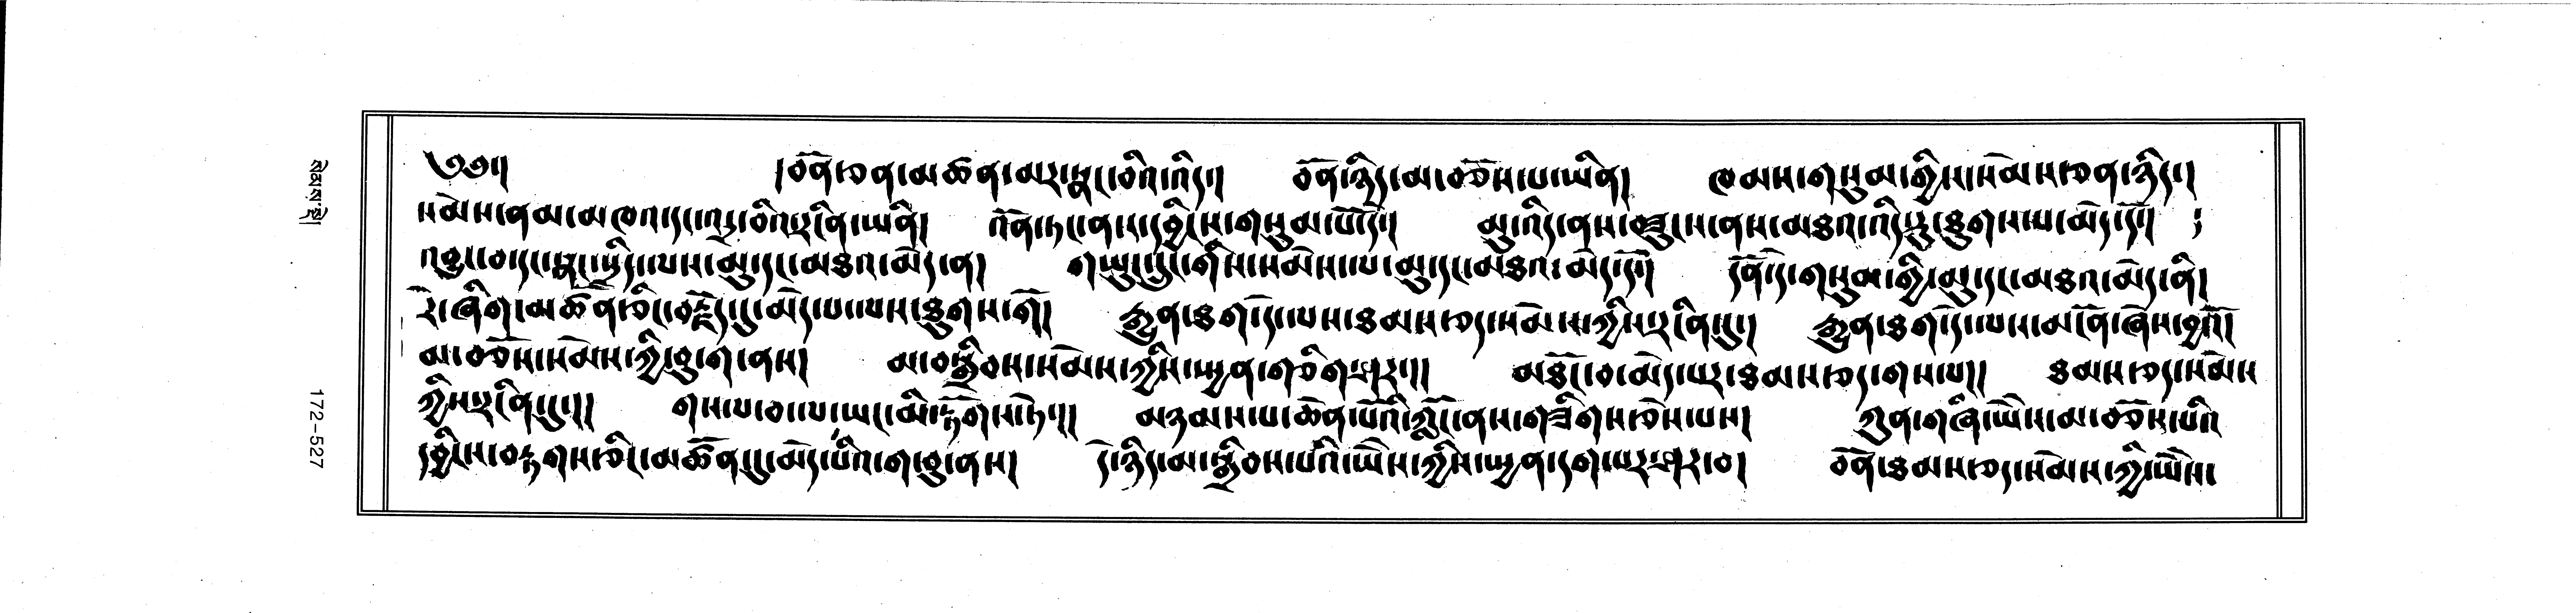བོན་ཅན་མཚན་མར་སྣང་བའི་འདི། བོན་ཉིད་མ་བཅོས་པ་ཡིན། ཁམས་གསུམ་གྱིས་སེམས་ཅན་ཉིད། 
སེམས་ནམ་མཁའ་དང་འདྲ་བའི་རང་བཞིན་ཡིན། འོན་ཏང་ནས་དབྱིངས་གསུམ་པོ་དེ། མུ་འདི་ནས་བཟུངས་ནས་མཐའ་འདི་རུ་ཐུགས་པ་མེད་དོ། 
འབྱུང་བ་དང་སྣང་སྲིད་ལས་མུ་དང་མཐའ་མེད་ན། གཡུང་དྲུང་གིས་སེམས་ལ་མུ་དང་མཐའ་མེད་དོ། དོན་དེ་གསུམ་གྱི་མུ་དང་མཐའ་མེད་ནི། 
རེ་ཞིག་མཚོན་ཅིང་བརྗོད་དུ་མེད་པ་ལས་ཐུགས་གོ། རྒྱུན་ཐག་དེ་ལས་ཐམས་ཅད་སེམས་ཀྱིས་རང་བཞིན་དུ། རྒྱུན་ཐག་དེ་ལས་མངོན་ཞེས་བྱའོ། 
མ་བཅོས་སེམས་ཀྱི་བུ་ག་ནས། མ་བསྒྲིབས་སེམས་ཀྱིས་སྤྱན་གཅིག་ཤར། མཐོང་བ་མེད་པར་ཐམས་ཅད་གསལ། ཐམས་ཅད་སེམས་
ཀྱིས་རང་བཞིན་དུ། གསལ་བ་ལ་ཡང་མི་རྟོགས་ཏེ། མཉམ་པ་ཆེན་པོའི་ཀློང་ནས་གཟིགས་ཅེས་པས། ཀུན་གཞི་ཡེ་ཤེས་མ་བཅོས་པའི་
དབྱིངས་བརྟགས་ཅིང་མཚོན་དུ་མེད་པའི་ག་བུ་ནས། དེ་ཉིད་མ་སྒྲིབས་པའི་ཡེ་ཤེས་ཀྱིས་སྤྱན་དག་པར་ཤར་བ། བོན་ཐམས་ཅད་སེམས་ཀྱི་ཡེ་ཤེས་ཀྱི་